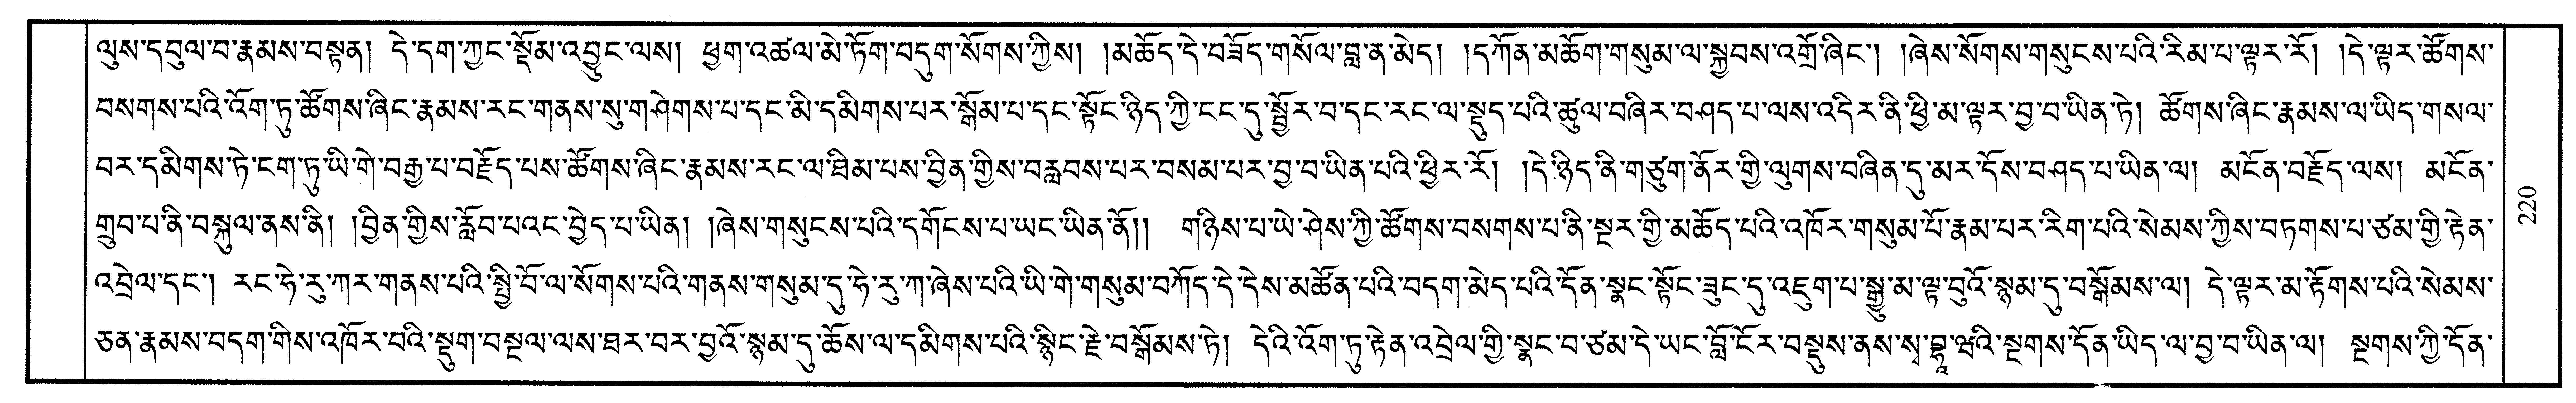ལུས་དུལ་བ་རྣམས་བསྟན། དེ་དག་ཀྱང་སྡོམ་འབྱུང་ལས། ཕྱག་འཚལ་མེ་ཏོག་བདུག་སོགས་ཀྱིས། །མཆོད་དེ་བཟོད་གསོལ་བླ་ན་མེད། །དཀོན་མཆོག་གསུམ་ལ་སྐྱབས་འགྲོ་ཞིང་། །ཞེས་སོགས་གསུངས་པའི་རིམ་པ་ལྟར་རོ། །དེ་ལྟར་ཚོགས་
བསགས་པའི་འོག་ཏུ་ཚོགས་ཞིང་རྣམས་རང་གནས་སུ་གཤེགས་པ་དང་མི་དམིགས་པར་སྒོམ་པ་དང་སྟོང་ཉིད་ཀྱི་ངང་དུ་སྦྱོར་བ་དང་རང་ལ་སྡུད་པའི་ཚུལ་བཞིར་བཤད་པ་ལས་འདིར་ནི་ཕྱི་མ་ལྟར་བྱ་བ་ཡིན་ཏེ། ཚོགས་ཞིང་རྣམས་ལ་ཡིད་གསལ་
བར་དམིགས་ཏེ་ངག་ཏུ་ཡི་གེ་བརྒྱ་པ་བརྗོད་པས་ཚོགས་ཞིང་རྣམས་རང་ལ་ཐིམ་པས་བྱིན་གྱིས་བརླབས་པར་བསམ་པར་བྱ་བ་ཡིན་པའི་ཕྱིར་རོ། །དེ་ཉིད་ནི་གཙུག་ནོར་གྱི་ལུགས་བཞིན་དུ་མར་དོས་བཤད་པ་ཡིན་ལ། མངོན་བརྗོད་ལས། མངོན་
གྲུབ་པ་ནི་བསྐུལ་ནས་ནི། །བྱིན་གྱིས་རློབ་པའང་བྱེད་པ་ཡིན། །ཞེས་གསུངས་པའི་དགོངས་པ་ཡང་ཡིན་ནོ། །གཉིས་པ་ཡེ་ཤེས་ཀྱི་ཚོགས་བསགས་པ་ནི་སྔར་གྱི་མཆོད་པའི་འཁོར་གསུམ་པོ་རྣམ་པར་རིག་པའི་སེམས་ཀྱིས་བཏགས་པ་ཙམ་གྱི་རྟེན་
འབྲེལ་དང་། རང་ཧེ་རུ་ཀར་གནས་པའི་སྤྱི་བོ་ལ་སོགས་པའི་གནས་གསུམ་དུ་ཧེ་རུ་ཀ་ཞེས་པའི་ཡི་གེ་གསུམ་བཀོད་དེ་དེས་མཚོན་པའི་བདག་མེད་པའི་དོན་སྣང་སྟོང་ཟུང་དུ་འཇུག་པ་སྒྱུ་མ་ལྟ་བུའོ་སྙམ་དུ་བསྒོམས་ལ། དེ་ལྟར་མ་རྟོགས་པའི་སེམས་
ཅན་རྣམས་བདག་གིས་འཁོར་བའི་སྡུག་བསྔལ་ལས་ཐར་བར་བྱའོ་སྙམ་དུ་ཆོས་ལ་དམིགས་པའི་སྙིང་རྗེ་བསྒོམས་ཏེ། དེའི་འོག་ཏུ་རྟེན་འབྲེལ་གྱི་སྣང་བ་ཙམ་དེ་ཡང་བློ་ངོར་བསྡུས་ནས་སྭ་བྷཱ་ཝའི་སངས་དོན་